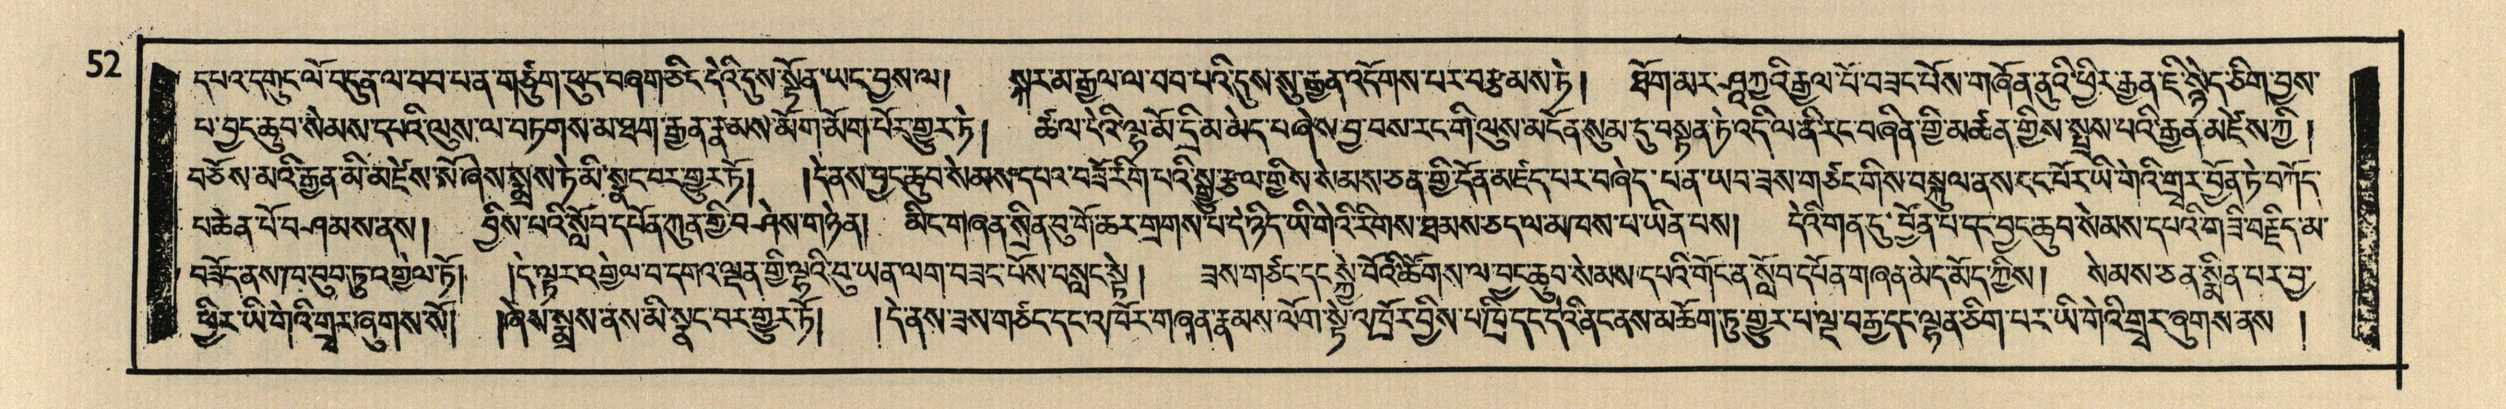དཔའ་དགུང་ལོ་བདུན་ལ་བབ་པ་ན་གཙུག་ཕུད་བཞག་ཅིང་དེའི་དུས་སྟོན་ཡང་བྱས་ལ། སྐར་མ་རྒྱལ་ལ་བབ་པའི་དུས་སུ་རྒྱན་འདོགས་པར་བརྩམས་ཏེ། ཐོག་མར་ཤཱཀྱཱ་རྒྱལ་པོ་བཟང་པོས་གཞོན་ནུའི་ཕྱིར་རྒྱན་ཇི་སྙེད་ཅིག་བྱས་
པ་བྱང་ཆུབ་སེམས་དཔའི་ལུས་ལ་བཏགས་མ་ཐག་རྒྱན་རྣམས་མོག་མོག་པོར་གྱུར་ཏེ། ཚལ་དེའི་ལྷ་མོ་དྲི་མ་མེད་པ་ཞེས་བྱ་བས་རང་གི་ལུས་མངོན་སུམ་དུ་བསྟན་ཏེ་འདི་ལ་ནི་རང་བཞིན་གྱི་མཚན་གྱིས་སྤྲས་པའི་རྒྱན་མཛེས་ཀྱི།
བཅོས་མའི་རྒྱན་མི་མཛེས་སོ་ཞེས་སྨྲས་ཏེ་མི་སྣང་བར་གྱུར་ཏོ། །དེ་ནས་བྱང་ཆུབ་སེམས་དཔའ་བཟོ་རིག་པའི་སྒྱུ་རྩལ་གྱིས་སེམས་ཅན་གྱི་དོན་མཛད་པར་བཞེད་པ་ན་ཡབ་ཟས་གཙང་གིས་བསྐུལ་ནས་དང་པོར་ཡི་གེའི་གྲྭར་བྱོན་ཏེ་བཀོད་
པ་ཆེན་པོ་བཤམས་ནས། བྱིས་པའི་སློབ་དཔོན་ཀུན་གྱི་བཤེས་གཉེན། མིང་གཞན་སྲིན་བུ་གོ་ཆར་གྲགས་པ་དེ་ཉིད་ཡི་གེའི་རིགས་ཐམས་ཅད་ལ་མཁས་པ་ཡིན་པས། དེའི་གན་དུ་བྱོན་པ་དང་བྱང་ཆུབ་སེམས་དཔའི་གཟི་བརྗིད་མ་
བཟོད་ནས་ཁ་བུབ་ཏུ་འགྱེལ་ཏོ། །དེ་ལྟར་འགྱེལ་བ་དགའ་ལྡན་གྱི་ལྷའི་བུ་ཡན་ལག་བཟང་པོས་བསླང་སྟེ། ཟས་གཙང་དང་སྐྱེ་བོའི་ཚོགས་ལ་བྱང་ཆུབ་སེམས་དཔའི་གོང་ན་སློབ་དཔོན་གཞན་མེད་མོད་ཀྱིས། སེམས་ཅན་སྨིན་པར་བྱ་
ཕྱིར་ཡི་གེའི་གྲྭར་ཞུགས་སོ། །ཞེས་སྨྲས་ནས་མི་སྣང་བར་གྱུར་ཏོ། །དེ་ནས་ཟས་གཙང་དང་འཁོར་གཞན་རྣམས་ལོག་སྟེ་འཁྲོར་བྱིས་པ་ཁྲི་དང་དེའི་ནང་ནས་མཆོག་ཏུ་གྱུར་པ་ལྔ་བརྒྱ་དང་ལྷན་ཅིག་པར་ཡི་གེའི་གྲྭར་ཞུགས་ནས་།